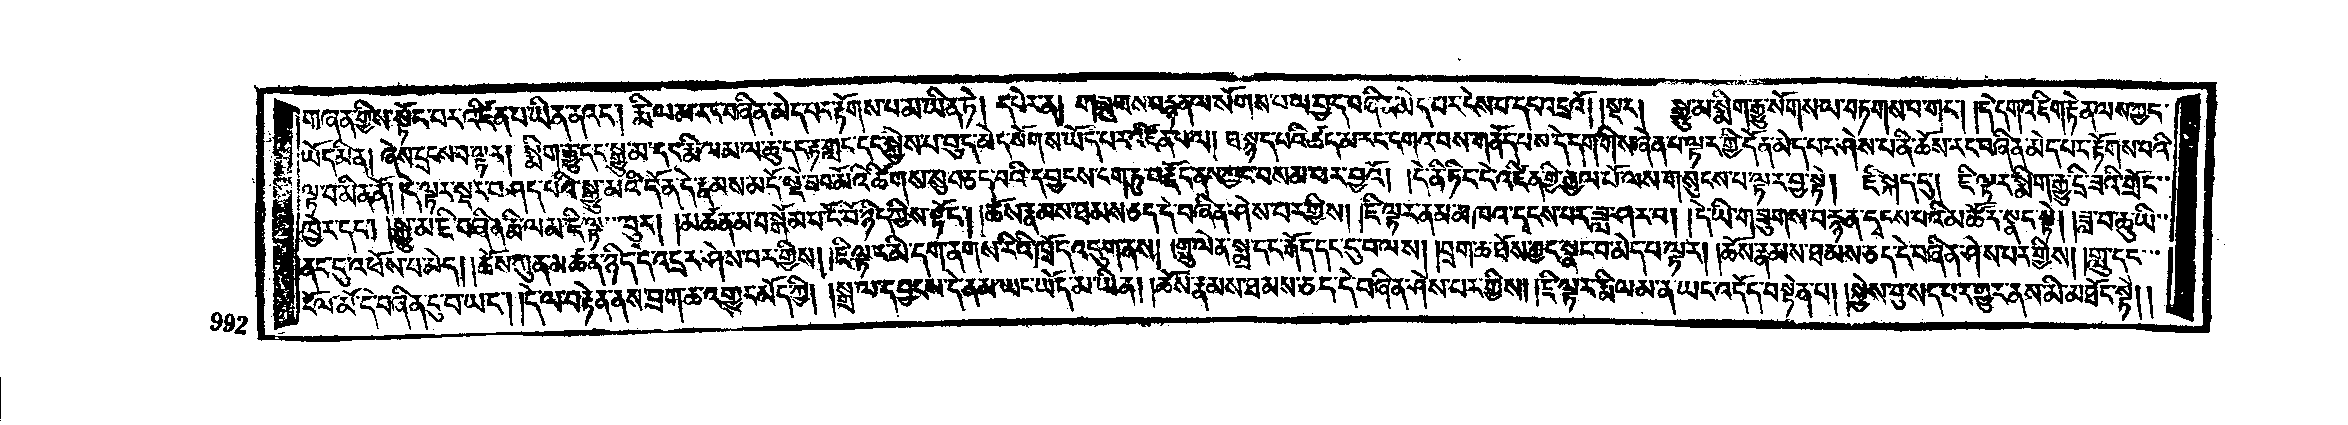གཞན་གྱིས་སྟོང་པར་འཛིན་པ་ཡིན་ནའང་། རྨི་ལམ་རང་བཞིན་མེད་པར་རྟོགས་པ་མ་ཡིན་ཏེ། དཔེར་ན། གཟུགས་བརྙན་ལ་སོགས་པ་ལ་བྱད་བཞིན་མེད་པར་ངེས་པ་དང་འདྲའོ། །སྔར། སྒྱུ་མ་སྨིག་རྒྱུ་སོགས་ལ་བཏགས་པ་གང་། །དེ་དག་འཇིག་རྟེན་ལས་ཀྱང་
ཡོད་མིན། ཞེས་དྲངས་པ་ལྟར། སྨིག་རྒྱུ་དང་སྒྱུ་མ་དང་རྨི་ལམ་ལ་ཆུ་དང་རྟ་གླང་དང་སྐྱེས་པ་བུད་མེད་སོགས་ཡོད་པར་འཛིན་པ་ལ། ཐ་སྙད་པའི་ཚད་མ་རང་དགའ་བས་གནོད་པས་དེ་དག་གིས་ཞེན་པ་ལྟར་གྱི་དོན་མེད་པར་ཤེས་པ་ནི་ཆོས་རང་བཞིན་མེད་པར་རྟོགས་པའི་
ལྟ་བ་མིན་ནོ། །དེ་ལྟར་སྔར་བཤད་པའི་སྒྱུ་མའི་དོན་དེ་རྣམས་མདོ་སྡེ་ཟབ་མོའི་ཚིགས་སུ་བཅད་པའི་དབྱངས་ངག་ཏུ་བརྗོད་ནས་ཀྱང་བསམ་པར་བྱའོ། །དེ་ནི་ཏིང་ངེ་འཛིན་གྱི་རྒྱལ་པོ་ལས་གསུངས་པ་ལྟར་བྱ་སྟེ། ཇི་སྐད་དུ། ཇི་ལྟར་སྨིག་རྒྱུ་དྲི་ཟའི་གྲོང་
ཁྱེར་དང་། །སྒྱུ་མ་ཇི་བཞིན་རྨི་ལམ་ཇི་ལྟ་བུར། །མཚན་མ་བསྒོམ་པ་ངོ་བོ་ཉིད་ཀྱིས་སྟོང་། །ཆོས་རྣམས་ཐམས་ཅད་དེ་བཞིན་ཤེས་པར་གྱིས། །ཇི་ལྟར་ནམ་མཁའ་དྭངས་པར་ཟླ་ཤར་བ། །དེ་ཡི་གཟུགས་བརྙན་དྭངས་པའི་མཚོར་སྣང་སྟེ། །ཟླ་བ་ཆུ་ཡི་
ནང་དུ་འཕོས་པ་མེད། །ཆོས་ཀུན་མཚན་ཉིད་དེ་འདྲར་ཤེས་པར་གྱིས། །ཇི་ལྟར་མི་དག་ནགས་རིའི་ཁྲོད་འདུག་ནས། །གླུ་ལེན་སྨྲ་དང་རྒོད་དང་ངུ་བ་ལས། །བྲག་ཆ་ཐོས་ཀྱང་སྣང་བ་མེད་པ་ལྟར། །ཆོས་རྣམས་ཐམས་ཅད་དེ་བཞིན་ཤེས་པར་གྱིས། །གླུ་དང་
རོལ་མོ་དེ་བཞིན་དུ་བ་ཡང་། །དེ་ལ་བརྟེན་ནས་བྲག་ཆ་འབྱུང་མོད་ཀྱི། །སྒྲ་ལ་དབྱངས་དེ་ནམ་ཡང་ཡོད་མ་ཡིན། །ཆོས་རྣམས་ཐམས་ཅད་དེ་བཞིན་ཤེས་པར་གྱིས། །ཇི་ལྟར་རྨི་ལམ་ན་ཡང་འདོད་བསྟེན་པ། །སྐྱེས་བུ་སད་པར་གྱུར་ནས་མི་མཐོང་སྟེ། །